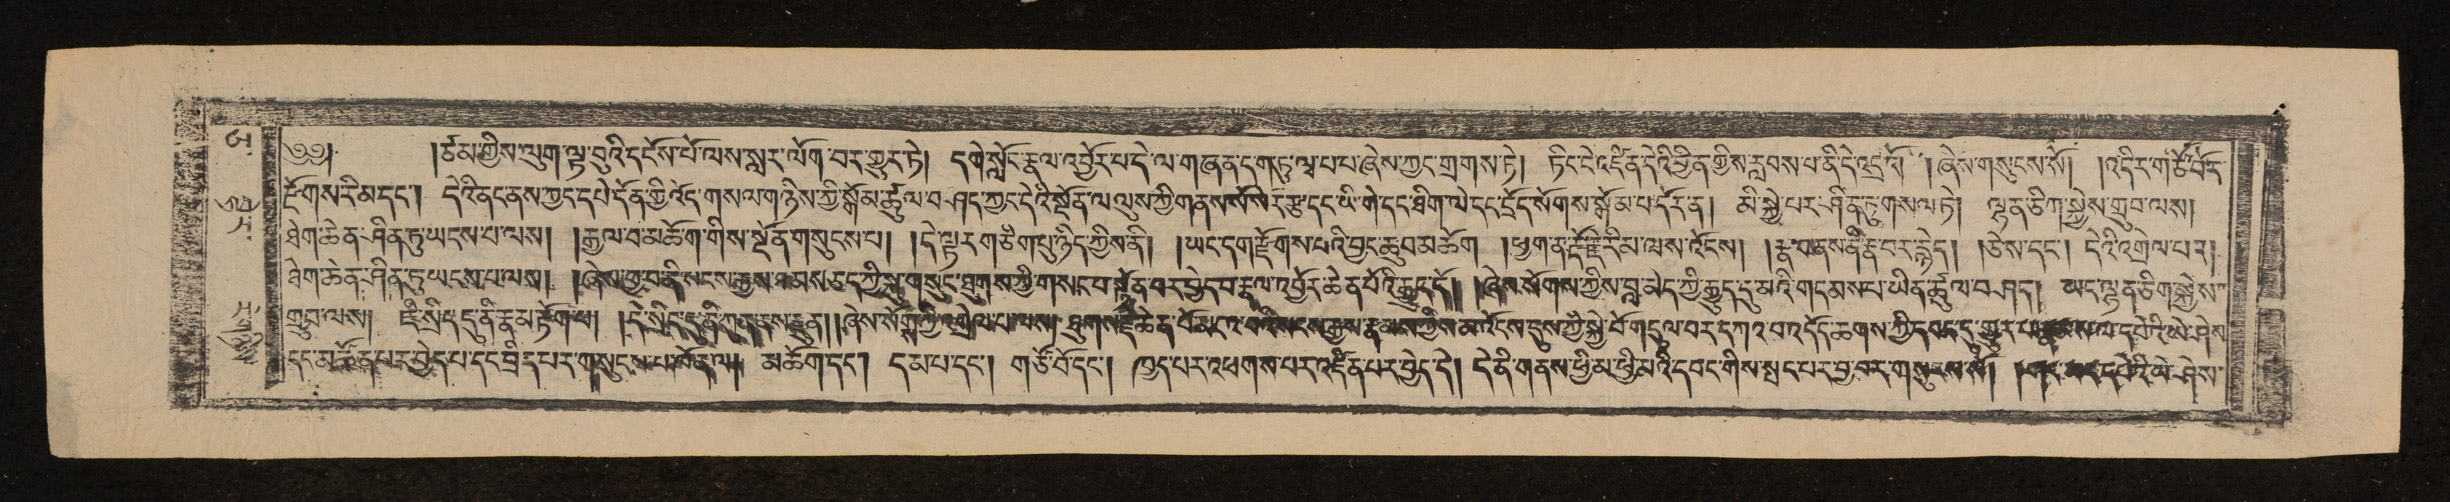༄༅། །ཙམ་གྱིས་ལུག་ལྟ་བུའི་དངོས་པོ་ལས་སླར་ལོག་པར་གྱུར་ཏེ། དགེ་སློང་རྣལ་འབྱོར་པ་དེ་ལ་གཞན་དག་ཏུ་ལྭ་བ་པ་ཞེས་ཀྱང་གྲགས་ཏེ། ཏིང་ངེ་འཛིན་དེའི་བྱིན་གྱིས་རླབས་པ་ནི་དེ་འདྲའོ། །ཞེས་གསུངས་སོ། །འདིར་གཙོ་བོར་
རྫོགས་རིམ་དང་། དེའི་ནང་ནས་ཀྱང་དཔེ་དོན་གྱི་འོད་གསལ་གཉིས་ཀྱི་སྒོམ་ཚུལ་བཤད་ཀྱང་དེའི་སྔོན་ལ་ལུས་ཀྱི་གནས་སོ་སོར་རྩ་དང་ཡི་གེ་དང་ཐིག་ལེ་དང་དྲོད་སོགས་སྒོམ་པ་དོར་ན། མི་སྐྱེ་བར་ཤིན་ཏུ་གསལ་ཏེ། ལྷན་ཅིག་སྐྱེས་གྲུབ་ལས།
ཐེག་ཆེན་ཤིན་ཏུ་ཡངས་པ་ལས། །རྒྱལ་བ་མཆོག་གིས་སྔོན་གསུངས་པ། །དེ་ལྟར་གཅིག་བུ་ཉིད་ཀྱིས་ནི། །ཡང་དག་རྫོགས་པའི་བྱང་ཆུབ་མཆོག །ཕྱག་ན་རྡོ་རྗེ་རིམ་ལས་འོངས། །རྣ་བ་ནས་ནི་རྣ་བར་རྙེད། །ཅེས་དང་། དེའི་འགྲེལ་བར།
ཐེག་ཆེན་ཤིན་ཏུ་ཡངས་པ་ལས། །ཞེས་བྱ་བ་ནི་སངས་རྒྱས་ཐམས་ཅད་ཀྱི་སྐུ་གསུང་ཐུགས་ཀྱི་གསང་བསྟོན་པར་བྱེད་པ་རྣལ་འབྱོར་ཆེན་པོའི་རྒྱུད་དོ། །ཞེས་སོགས་ཀྱིས་བླ་མེད་ཀྱི་རྒྱུད་དུ་མའི་གདམས་པ་ཡིན་ཚུལ་བཤད། ཡང་ལྷན་ཅིག་སྐྱེས་
གྲུབ་ལས། ཇི་སྲིད་དུ་ནི་རྣམ་རྟོག་པ། །དེ་སྲིད་དུ་ནི་ཀུན་ནས་རྫུན། །ཞེས་སོགས་ཀྱི་འགྲེལ་པ་ལས། ཐུགས་རྗེ་ཆེན་པོ་མངའ་བའི་སངས་རྒྱས་རྣམས་ཀྱིས་མ་འོངས་དུས་ཀྱི་སྐྱེ་བོ་གདུལ་བར་དཀའ་བ་འདོད་ཆགས་ཀྱི་དབང་དུ་གྱུར་པ་རྣམས་ལ་དཔེའི་ཡེ་ཤེས་
དང་མཚོན་པར་བྱེད་པ་དང་བྲིད་པར་གསུངས་པ་ཁོ་ན་ལ། མཆོག་དང་། དམ་པ་དང་། གཙོ་བོ་དང་། ཁྱད་པར་འཕགས་པར་འཛིན་པར་བྱེད་དེ། དེ་ནི་གནས་ཕྱི་མ་ཕྱི་མའི་དབང་གིས་སྤང་བར་བྱ་བར་གསུངས་སོ། །གང་ཡང་དཔེའི་ཡེ་ཤེས་